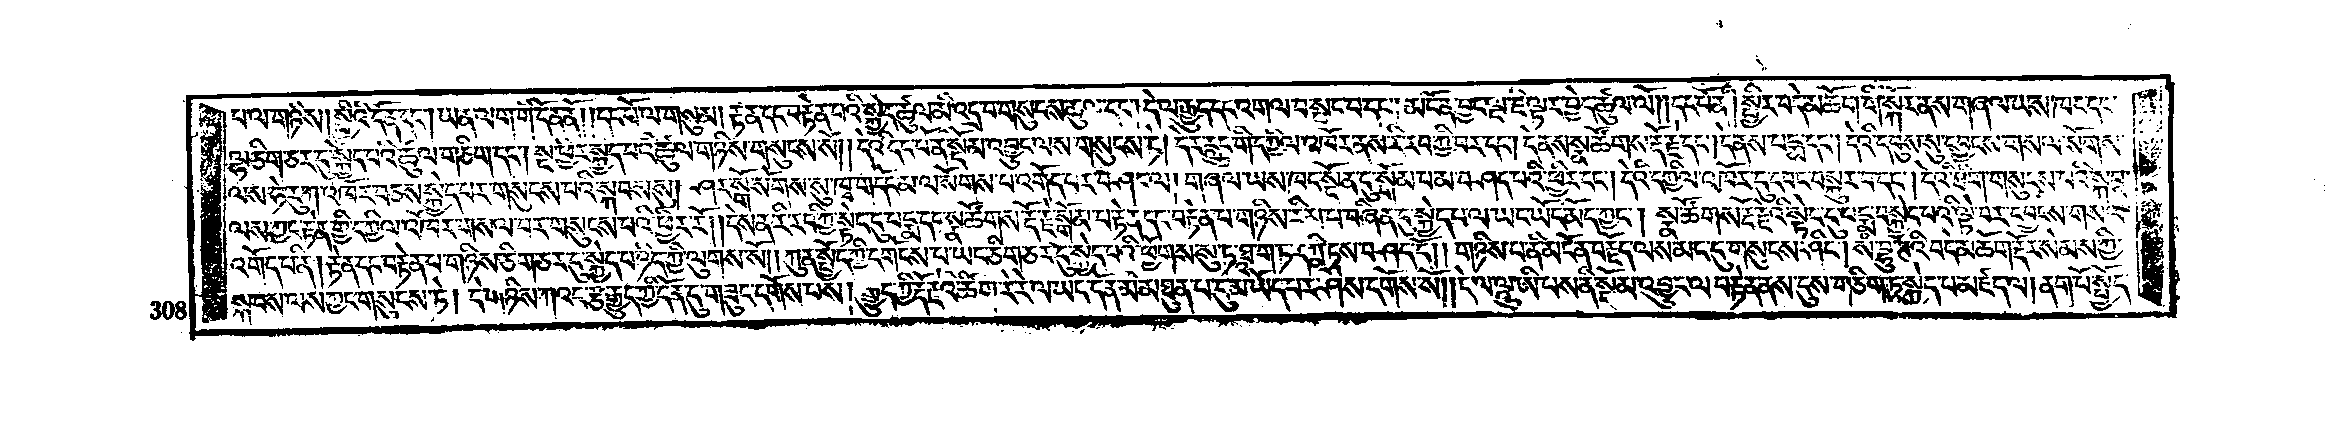པ་ལ་གཉིས། སྤྱིའི་དོན་དང་། ཡན་ལག་གི་དོན་ནོ། །དང་པོ་ལ་གསུམ། རྟེན་དང་བརྟེན་པའི་སྐྱེད་ཚུལ་མི་འདྲ་བ་གསུངས་ཚུལ་དང་། དེ་ལ་རྒྱུད་དང་འགལ་བ་སྤང་བ་དང་། མངོན་བྱང་ལྔ་ཇི་ལྟར་བྱེད་ཚུལ་ལོ། །དང་པོ་ནི། སྤྱིར་བདེ་མཆོག་གི་སྐོར་ནས་གཞལ་ཡས་ཁང་དང་
ལྷ་ཅིག་ཅར་དུ་སྐྱེད་པའི་ཚུལ་གཅིག་དང་། སྔ་ཕྱིར་སྐྱེད་པའི་ཚུལ་གཉིས་གསུངས་སོ། །དེའི་དང་པོ་ནི་སྡོམ་འབྱུང་ལས་གསུངས་ཏེ། དེར་རླུང་གི་དཀྱིལ་འཁོར་ནས་རི་རབ་ཀྱི་བར་དང་། དེ་ནས་སྣ་ཚོགས་རྡོ་རྗེ་དང་། དེ་ནས་པདམ་དང་། དེའི་དབུས་སུ་དབྱངས་གསལ་སོགས་
ལས་ཧེ་རུ་ཀ་འཁོར་བཅས་སྐྱེད་པར་གསུངས་པའི་སྐབས་སུ། ཤར་སྒོ་སོགས་སུ་ཁྭ་གདོང་མ་ལ་སོགས་པ་འགོད་པར་བཤད་ལ། གཞལ་ཡས་ཁང་སྔོན་དུ་སྒོམ་པ་མ་བཤད་པའི་ཕྱིར་དང་། དེའི་དཀྱིལ་འཁོར་དུ་དབང་བསྐུར་བ་དང་། དེའི་ཐིག་གསུངས་པའི་སྐབས་
ལས་ཀྱང་རྟེན་གྱི་དཀྱིལ་འཁོར་གསལ་བར་གསུངས་པའི་ཕྱིར་རོ། །དེས་ན་རི་རབ་ཀྱི་སྟེང་དུ་པདམ་དང་སྣ་ཚོགས་རྡོ་རྗེ་སྒོམ་པ་རྟེན་དང་བརྟེན་པ་གཉིས་རིམ་པ་བཞིན་དུ་སྐྱེད་པ་ལ་ཡང་ཡོད་མོད་ཀྱང་། སྣ་ཚོགས་རྡོ་རྗེ་སྟེང་དུ་པདམ་བསྐྱེད་པའི་ལྟེ་བར་དབྱངས་གསལ་
འགོད་པ་ནི། རྟེན་དང་བརྟེན་པ་གཉིས་ཅིག་ཅར་དུ་སྐྱེད་པ་ཉིད་ཀྱི་ལུགས་སོ། །ཀུན་སྤྱོད་ཀྱི་དགོངས་པ་ཡང་ཅིག་ཅར་དུ་སྐྱེད་པའི་ཕྱོགས་སུ་ཏ་ཐཱ་ག་ཏ་རཀྵི་ཏས་བཤད་དོ། །གཉིས་པ་ནི་མངོན་བརྗོད་ལས་མང་དུ་གསུངས་ཤིང་། སཾ་བྷུ་ཊའི་བདེ་མཆོག་རྡོར་སེམས་ཀྱི་
སྐབས་ལས་ཀྱང་གསུངས་ཏེ། དེ་གཉིས་ཀའང་རྩ་རྒྱུད་ཀྱི་དོན་དུ་གཟུང་དགོས་པས། རྒྱུད་ཀྱི་རྡོ་རྗེའི་ཚིག་རེ་རེ་ལ་ཡང་དོན་མི་མཐུན་པ་དུ་མ་ཡོད་པར་ཤེས་དགོས་སོ། །དེ་ལ་ལཱུ་ཨི་པས་ནི་སྡོམ་འབྱུང་ལ་བརྟེན་ནས་དུས་གཅིག་ཏུ་སྐྱེད་པ་མཛད་ལ། ནག་པོ་སྤྱོད་